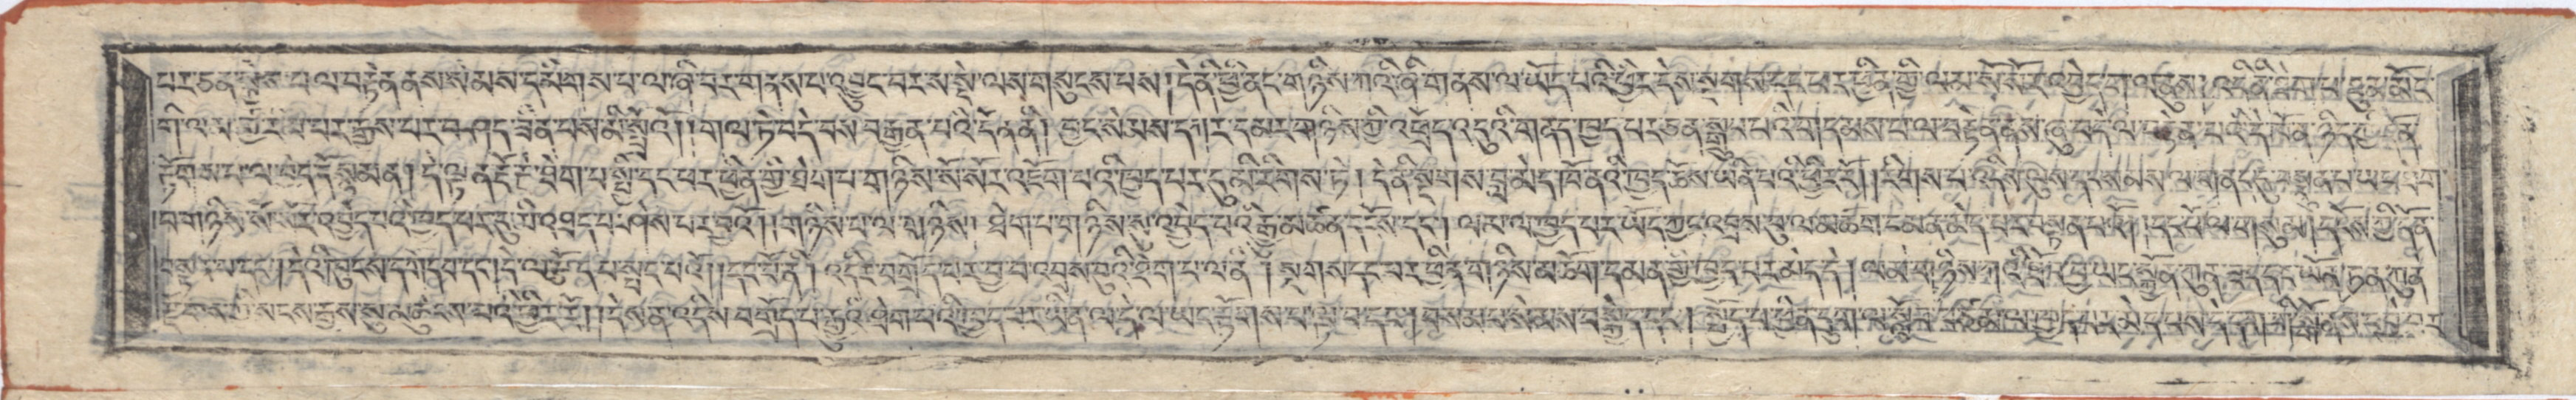པར་ཅན་སྐྱེས་པ་ལ་བརྟེན་ནས་སེམས་དམིགས་པ་ལ་ཞི་བར་གནས་པ་འབྱུང་བར་ས་སྡེ་ལས་གསུངས་པས། དེ་ནི་ཕྱི་ནང་གཉིས་ཀའི་ཞི་གནས་ལ་ཡོད་པའི་ཕྱིར་དེས་སྔགས་དང་ཕར་ཕྱིན་གྱི་ལམ་སོ་སོར་འབྱེད་ག་ལ་ནུས། འདི་ནི་ཐེག་པ་ཐུན་མོང་
གི་ལམ་གྱི་རིམ་པར་རྒྱས་པར་བཤད་ཟིན་པས་མི་སྤྲོའོ། །གལ་ཏེ་བདེ་བས་བརྒྱན་པའི་དོན་ནི། བྱང་སེམས་དཀར་དམར་གཉིས་ཀྱི་འཕྲོད་འདུའི་གནད་ཁྱད་པར་ཅན་སྒྲུབ་པའི་གདམས་པ་ལ་བརྟེན་ནས་ཞུ་བདེ་ལ་བརྟེན་པའི་དེ་ཁོ་ན་ཉིད་ཀྱི་དོན་
རྟོགས་པ་ལ་བྱེད་དོ་སྙམ་ན། དེ་ལྟ་ན་རྡོ་རྗེ་ཐེག་པ་སྤྱི་དང་ཕར་ཕྱིན་གྱི་ཐེག་པ་གཉིས་སོ་སོར་འཇོག་པའི་ཁྱད་པར་དུ་མི་རིགས་ཏེ། དེ་ནི་སྔགས་བླ་མེད་ཁོ་ནའི་ཁྱད་ཆོས་ཡིན་པའི་ཕྱིར་རོ། །རིགས་པ་འདིས་ལུས་དང་སེམས་ལ་གནད་དུ་བསྣུན་པ་ཡང་ཐེག་
པ་གཉིས་སོ་སོར་འབྱེད་པའི་ཁྱད་པར་དུ་མི་འཐད་པ་ཤེས་པར་བྱའོ། །གཉིས་པ་ལ་གཉིས། ཐེག་པ་གཉིས་སུ་འབྱེད་པའི་རྒྱུ་མཚན་དངོས་དང་། ལམ་ལ་ཁྱད་པར་ཡོད་ཀྱང་འབྲས་བུ་ལ་མཆོག་དམན་མེད་པར་བསྟན་པའོ། །དང་པོ་ལ་གསུམ། དངོས་ཀྱི་དོན་
བསྟན་པ་དང་། དེའི་ཁུངས་དགོད་པ་དང་། དེ་ལ་རྩོད་པ་སྤང་པའོ། །དང་པོ་ནི། འདིར་བགྲོད་པར་བྱ་བ་འབྲས་བུའི་ཐེག་པ་ལ་ནི། སྔགས་དང་ཕར་ཕྱིན་གཉིས་མཆོག་དམན་གྱི་ཁྱད་པར་མེད་དེ། ལམ་གཉིས་ཀའི་ཐོབ་བྱ་ཡང་སྐྱོན་ཀུན་ཟད་དང་ཡོན་ཏན་ཀུན་
རྫོགས་ཀྱི་སངས་རྒྱས་སུ་མཚུངས་པའི་ཕྱིར་རོ། །དེས་ན་འདིས་བགྲོད་པ་རྒྱུའི་ཐེག་པའི་ཁྱད་པར་ཡིན་ལ་དེ་ལ་ཡང་རྟོགས་པ་ལྟ་བ་དང་། བསམ་པ་སེམས་བསྐྱེད་དང་། སྤྱོད་པ་ཕྱིན་དྲུག་ལ་སློབ་པ་ཙམ་ལ་ཁྱད་པར་མེད་པས་དེ་དག་གི་སྒོ་ནས་དབྱེ་བར་